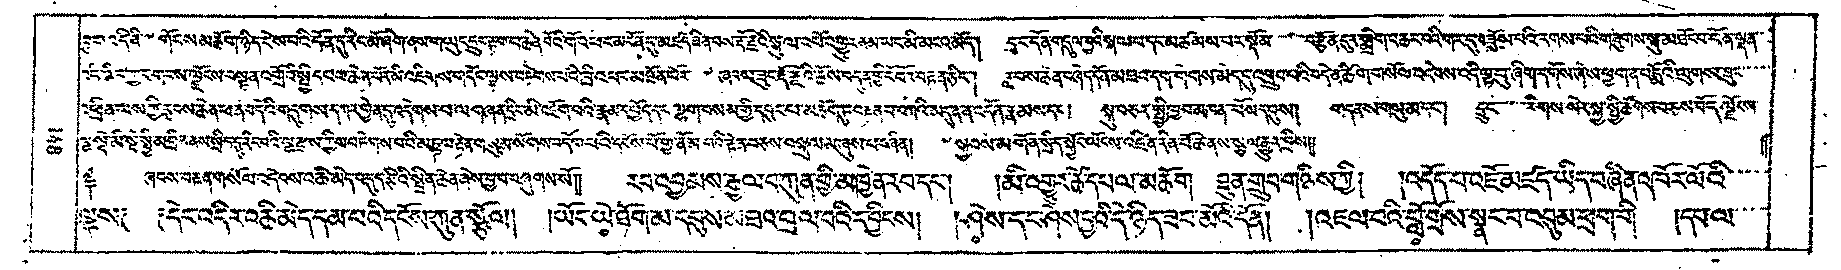བྱ་བ་འདི་ནི་༧་གོང་ས་མཆོག་ཉིད་ངེས་པའི་དོན་དུ་རིང་མོ་ཞིག་ནས་གཡུང་དྲུང་རྟག་པ་ཆེན་པོའི་གོ་འཕང་མངོན་དུ་མཛད་ཟིན་པས་རྡོ་རྗེའི་སྐུ་ལ་འཕོ་འགྱུར་ནམ་ཡང་མི་མངའ་མོད། དྲང་དོན་གདུལ་བྱའི་སྐལ་བ་དང་མཚམས་པར་སྡོམ་བརྩོན་ངུར་སྨྲིག་འཆང་བའི་གར་དུ་བཟློས་པའི་རགས་པའི་གཟུགས་སྐུ་མཐོང་བ་དོན་ལྡན་
འདི་ཉིད་ཀྱང་གངས་ལྗོངས་བསྟན་འགྲོའི་སྤྱི་དཔལ་ཆེན་པོར་མི་འཇིགས་གདོང་ལྔས་བཏེགས་པའི་ཁྲི་འཕང་མཐོན་པོར་༧་ཞབས་ཟུང་རྡོ་རྗེའི་ཆོས་བདུན་གྱི་ངོ་བོར་བརྟན་ཅིང་། རླབས་ཆེན་བཞེད་དོན་མཐའ་དག་གེགས་མེད་དུ་འགྲུབ་པའི་བདེན་ཚིག་གསོལ་འདེབས་འདི་ལྟ་བུ་ཞིག་དགོས་ཞེས་ཕྱག་ན་པདམོའི་ལུགས་ཟུང་
འཕྲིན་ལས་ཀྱི་རླབས་ཆེན་ཕན་བདེའི་གདུགས་དཀར་གྱེན་དུ་འདེགས་པ་ལ་གཞན་དྲིང་མི་འཇོག་པའི་རྣམ་དཔྱོད་དང་ལྷག་བསམ་གྱི་དཔུང་པ་མཆོག་ཏུ་བརྟན་པ་བཀའི་མདུན་ན་འདོན་རྣམས་དང་། སྐུ་བཅར་སྤྱི་ཁྱབ་མཁན་པོས་དབུས། གདན་ས་གསུམ་དང་། དྲུང་རིགས་སེར་སྐྱ་སྤྱི་ཚོགས་བཅས་བོད་ལྗོངས་
ལྷ་སྡེ་མི་སྡེ་སྤྱི་མགྲིན་ནས་སྲིད་དུ་རིང་བའི་ལྷ་རྫས་ཀྱིས་བཏེགས་པའི་མཎྜལ་རྟེན་གསུམ་སོགས་བདོག་པའི་དངོས་པོ་གྱ་ནོམ་པའི་རྟེན་བཅས་བསྐུལ་མ་ཞུས་པ་བཞིན། ༧སྐྱབས་མགོན་སྲིད་སྐྱོང་ཡོངས་འཛིན་རིན་པོ་ཆེ་ནས་སྩལ་རྒྱུར་བྲིས།། །།
༈ ཞབས་བརྟན་གསོལ་འདེབས་འཆི་མེད་བདུད་རྩིའི་སྤྲིན་ཆེན་ཞེས་བྱ་བ་བཞུགས་སོ། །རབ་འབྱམས་རྒྱལ་བ་ཀུན་གྱི་མཁྱེན་རབ་དང་། །མི་འགྱུར་ཚེ་དཔལ་མཆོག །ཐུན་གྲུབ་གཉིས་ཀྱི། །འདོད་པ་འཇོ་མཛད་ཡིད་བཞིན་འཁོར་ལོའི་
ལྷས༑ ༑དེང་འདིར་འཆི་མེད་དམ་པའི་དངོས་ཀུན་སྩོལ། །ཡོང་ཡེ་ཐོག་མ་དབུས་མཐའ་བྲལ་བའི་དབྱིངས། །ཤེས་དང་ཤེས་བྱའི་དེ་ཉིད་ཟབ་མོའི་དོན། །འཇལ་བའི་བློ་གྲོས་སྣང་བ་འབུམ་ཕྲག་གི །དཔལ་